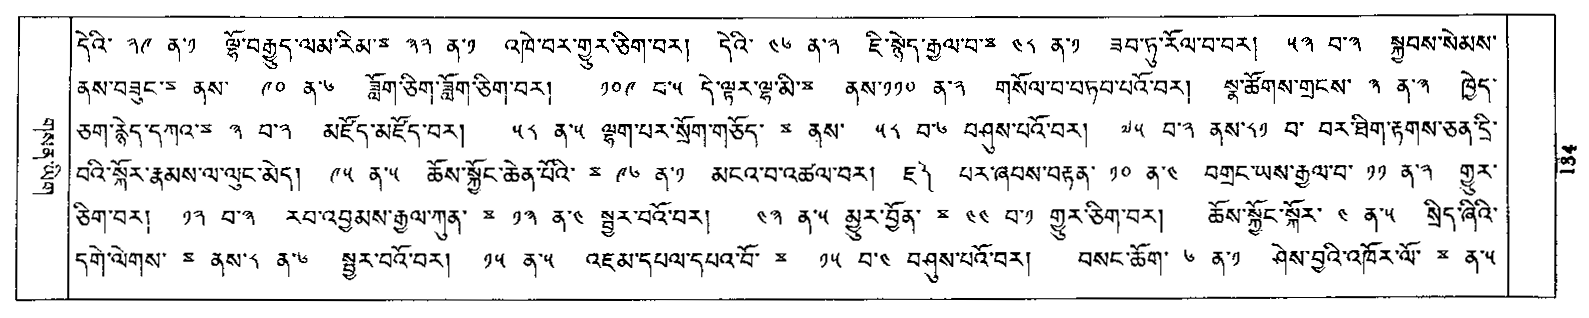དེའི ༢༩་ན ༡་ལྷོ་བརྒྱུད་ལམ་རིམ་྾ ༣༢་ན ༡་འཁེ་྾་བར་གྱུར་ཅིག་བར། དེའི ༤༦་ན ༢་ཇི་སྙེད་རྒྱལ་བ ༤༨་ན ༡་ཟབ་ཏུ་རོལ་བ་བར། ༤༣་བ ༣་སྐྱབས་སེམས་
ནས་བཟུང་྾་ནས ༩༠་ན ༦་ཟློག་ཅིག་ཟློག་ཅིག་བར། ༡༠༩་བ ༥་དེ་ལྟར་ལྷ་མི་྾་ནས ༡༡༠་ན ༢་གསོལ་བ་བཏབ་པའོ་བར། སྣ་ཚོགས་གྲངས ༣་ན ༣་ཁྱེད་
ཅག་རྙེད་དཀའ་྾ ༣་བ ༢་མཛོད་མཛོད་བར། ༥༨་ན ༥་ལྷག་པར་སྲོག་གཅོད་྾་ནས ༥༨་བ ༦་བཤུས་པའོ་བར། ༧༥་བ ༢་ནས ༨༡་བ་བར་ཐིག་རྟགས་ཅན་དྲི་
བའི་སྐོར་རྣམས་ལ་ལུང་མེད། ༩༥་ན ༥་ཆོས་སྐྱོང་ཆེན་པོའི་྾ ༩༦་ན ༡་མངའ་བ་འཚལ་བར། ཇ྄་པར་ཞབས་བརྟན ༡༠་ན ༤་བགྲང་ཡས་རྒྱལ་བ ༡༡་ན ༢་གྱུར་
ཅིག་བར། ༡༢་བ ༣་རབ་འབྱམས་རྒྱལ་ཀུན་྾ ༡༣་ན ༤་སྦྱར་བའོ་བར། ༤༣་ན ༥་མྱུར་བྱོན་྾ ༤༤་བ ༡་གྱུར་ཅིག་བར། ཆོས་སྐྱོང་སྐོར ༤་ན ༥་སྲིད་ཞིའི་
དགེ་ལེགས་྾་ནས ༨་ན ༦་སྦྱར་བའོ་བར། ༡༥་ན ༥་འཇམ་དཔལ་དཔའ་དཔའ་བོ་྾ ༡༥་བ ༤་བཤུས་པའོ་བར། བསང་ཆོག ༦་ན ༡་ཤེས་བྱའི་འཁོར་ལོ་྾་ན ༥